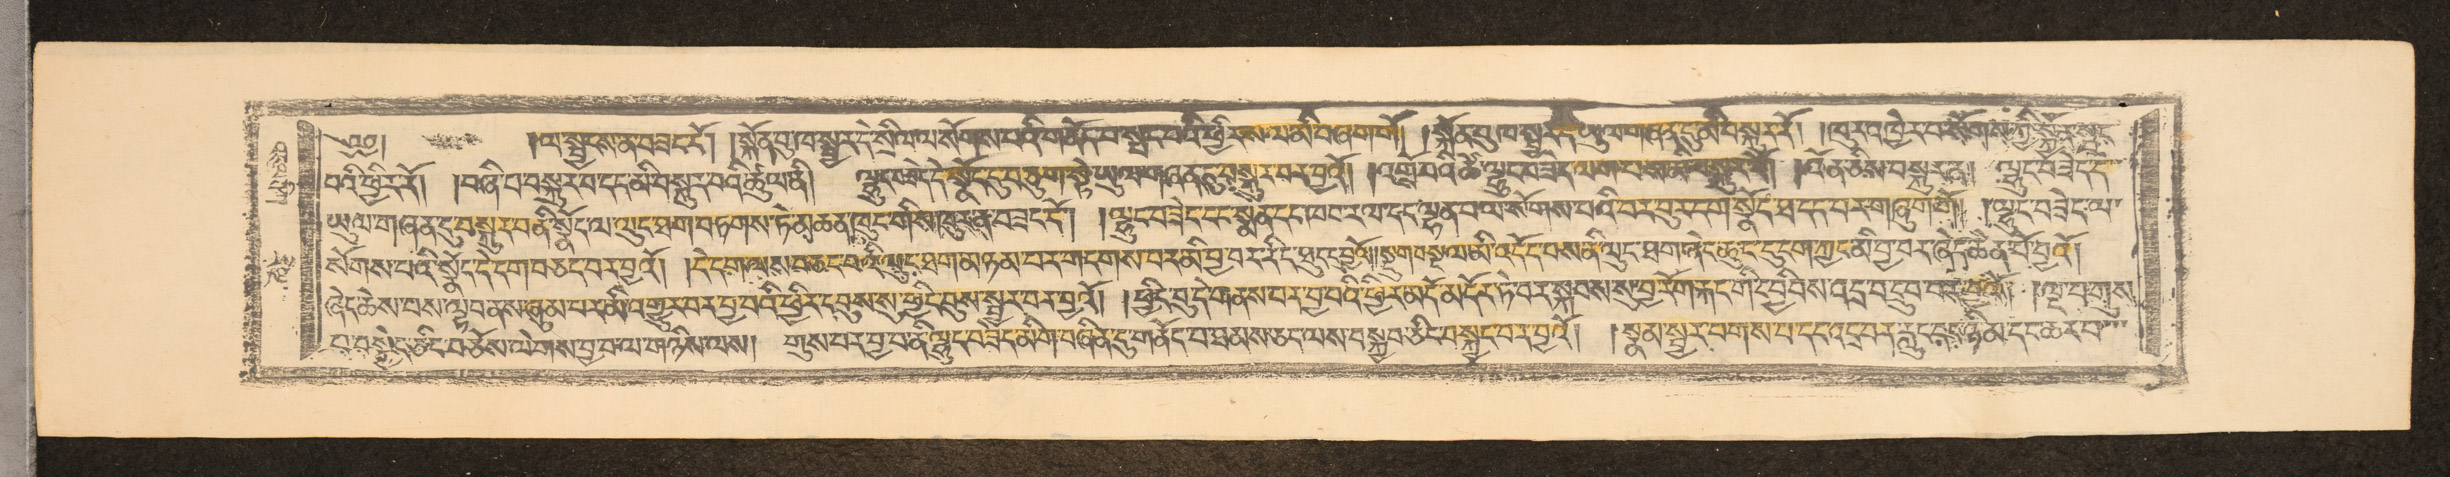༄༅། །ལ་སྤྱངས་ན་བཟང་ངོ། །སྐོན་བུ་ཁ་སྦྱར་དེ་སྲིལ་ལ་སོགས་པའི་གནོད་པ་སྤད་བའི་ཕྱིར་སལ་མི་བཞག་གོ། །སྐོན་བུ་ཁ་སྦྱར་དེ་ཡུལ་གཞན་དུ་མི་བསྐུར་རོ། །ཁུར་འཁྱེར་བ་སོགས་ཀྱི་སྐྱོན་སྤང་
པའི་ཕྱིར་རོ། །བཞི་པ་བསྐུར་བ་དང་མི་བསྐུར་བའི་ཚུལ་ནི། ལྷུང་བཟེད་དེ་སྣོད་དུ་བཅུག་སྟེ་ཡུལ་གཞན་དུ་བསྐུར་བར་བྱའོ། །འགྲོ་བའི་ཚེ་ལྷུང་བཟེད་ལག་པས་མི་བསྐུར་རོ། །འོ་ན་ཅིས་བསྐུར་ན། ལྷུང་བཟེད་དེ་
ཡུལ་གཞན་དུ་བསྐུར་བ་ནི་སྣོད་ལ་ལུང་ཐག་བཏགས་ཏེ་མཆན་ཁུང་གིས་ཁུར་ན་བཟང་ངོ། །ལྷུང་བཟེད་དང་སྨན་དང་ཁབ་རལ་དང་ལྷན་བ་ལ་སོགས་པའི་བར་བུར་དག་སྣོད་ཐ་དད་པར་གཞུག་གོ། །ལྷུང་བཟེད་ལ་
སོགས་པའི་སྣོད་དེ་དག་བཅང་བར་བྱའོ། །དེ་དག་ལས་བཅང་བའི་ལུང་ཐག་མཉམ་པར་གདགས་པར་མི་བྱ་བར་རིང་ཐུང་དུ་བྱའོ། །སྡུག་བསྔལ་མི་འདོད་པས་ནི་ལུང་ཐག་ཞེང་ཆུང་དུ་དག་ཀྱང་མི་བྱ་བར་ཞེང་ཆེན་པོ་བྱའོ། །
ཞེང་ཆེས་པས་ལྟབ་ནས་ཞུམ་པར་མི་འགྱུར་པར་བྱ་བའི་ཕྱིར་དབུས་སུ་ཕྱིང་བུས་སྦྱར་བར་བྱའོ། །ཕྱིང་བུ་དེ་གནས་བར་བྱ་བའི་ཕྱིར་མདོ་མདོར་ཏེ་བར་སྐབས་སུ་བྱ་རོག་རྐང་གི་དབྱིབས་འདྲ་བ་དྲུབ་པར་བྱའོ། །ལྔ་པ་གུས་
པ་བསྐྱེད་ཅིང་བཅོས་ལེགས་བྱ་བ་ལ་གཉིས་ལས། གུས་བར་བྱ་བ་ནི་ལྷུང་བཟེད་མིག་བཞིན་དུ་གནོད་བ་ཐམས་ཅད་ལས་བསྐྱབ་ཅིང་བསྐྱང་བར་བྱའོ། །སྣམ་སྦྱར་པགས་པ་དང་འདྲ་བར་རླུང་དང་ཉི་མ་དང་ཆར་བ་